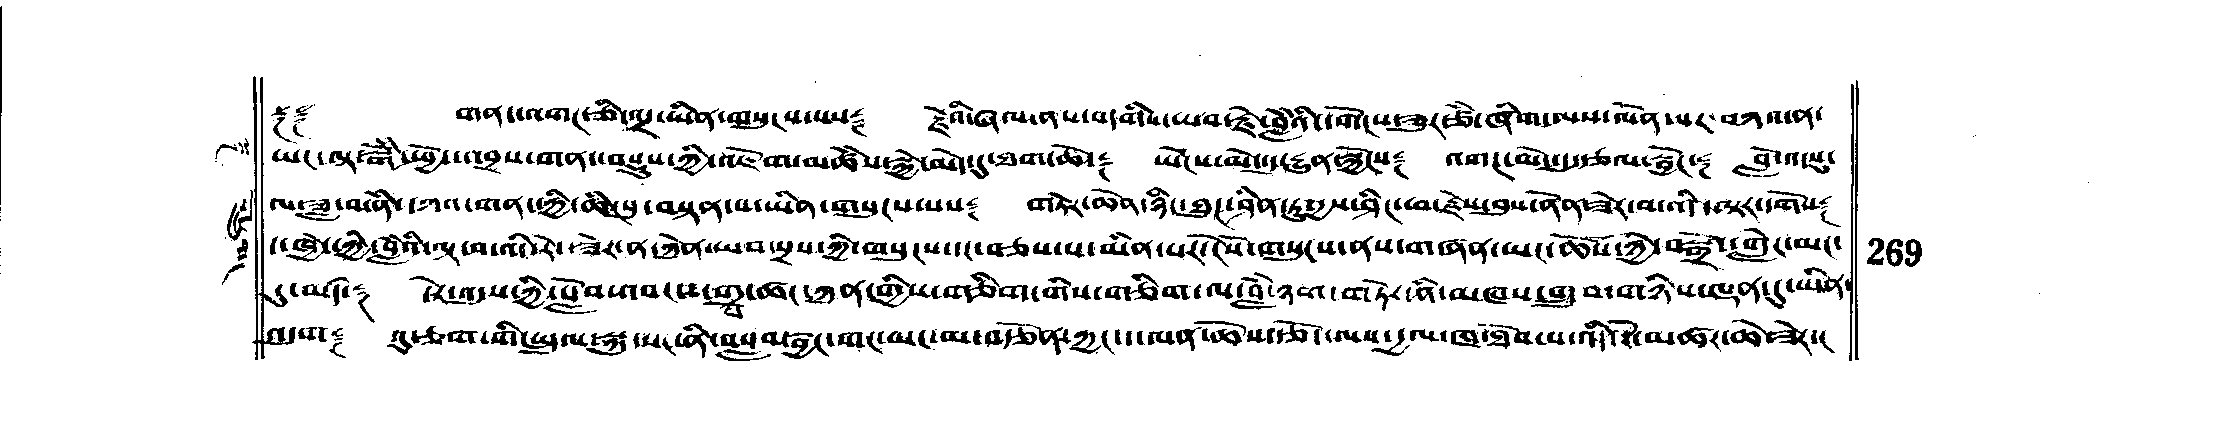གནད་འགགས་ཅི་འདྲ་ཡིན་གསུངས་པས། རྗེའི་ཞལ་ནས་བདག་གིས་ཡབ་རྗེ་བླ་མའི་དགོངས་ཟུར་ཙམ་ཞིག་ལས་ལེན་པར་བཀའ་ན་
ཡང་ལྟ་སྒོམ་སྤྱོད་འབྲས་གནད་བསྡུས་ཀྱི་འཇོག་མཚམས་སྐྱེ་མེད་དུ་ཐག་ཆོད།ཡེངས་མེད་དུ་རྒྱུན་སྐྱོངས། འགགས་མེད་དུ་རྩལ་སྦྱོང་། བློ་འདས་སུ་
ལ་ཟླ་བའམ་དཀའ་གནད་ཀྱི་ཚིགས་སུ་བསྟན་པ་ཡིན་གསུངས་པས། གཏེར་ཆེན་ཉིད་ཐུགས་ཤིན་ཏུ་དགྱེས་ཤིང་ཕ་རྗེས་བུས་ནོན་ཟེར་བ་འདི་ལྟར་དགོས། 
ད་ཁྱོད་ཀྱི་བླ་མའི་ལྟ་བ་འདི་རེད་ཟེར་ན་ཀུན་མཁྱེན་ཡབ་སྲས་ཀྱི་གསུང་དང་བཅས་པ་མིན་པར་ངེས་སོ་གསུངས་ནས་གཞན་ཡང་ཆོས་ཀྱི་བགྲོ་གླེང་མང་
དུ་མཛད། དེར་འདུས་ཀྱི་སློབ་འབངས་གྲྭ་ཚང་ཀུན་གྱིས་གཅིག་གིས་གཅིག་ལ་བླ་མ་ཉག་གཏེར་ནི་མཁས་གྲུབ་གཉིས་ལྡན་དུ་ཡིན་
འདུག འུ་ཅག་གི་སྤྲུལ་སྐུ་སང་ནི་བསླབ་སྦྱང་གང་མང་མ་བརྩོན་ཀྱང་ད་ལན་ཆོས་རྩོད་ལས་རྒྱལ་ཁ་ཐོབ་པ་འདི་ངོ་མཚར་ཆེ་ཟེར་